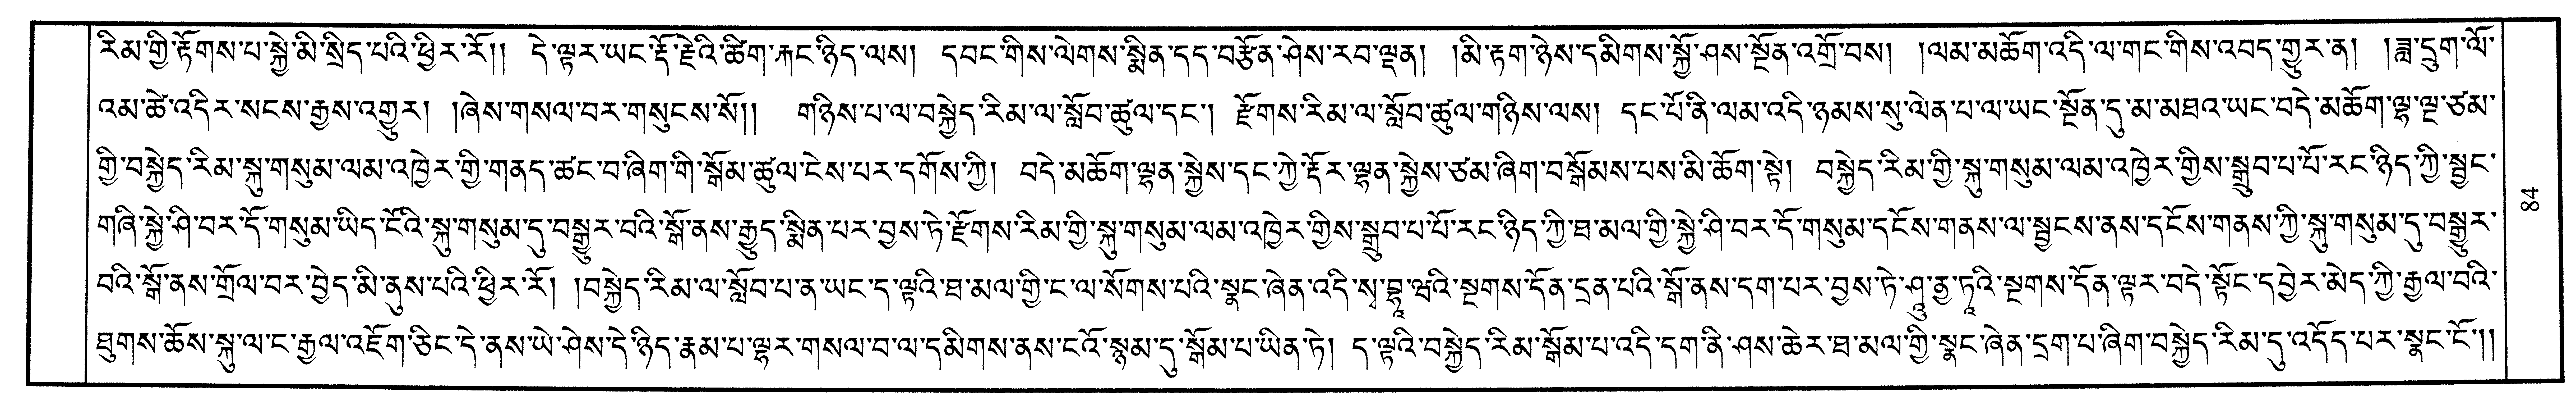རིམ་གྱི་རྟོགས་པ་སྐྱེ་མི་སྲིད་པའི་ཕྱིར་རོ།། དེ་ལྟར་ཡང་རྡོ་རྗེའི་ཚིག་རྐང་ཉིད་ལས། དབང་གིས་ལེགས་སྨིན་དད་བརྩོན་ཤེས་རབ་ལྡན། །མི་རྟག་ཉེས་དམིགས་སྐྱོ་ཤས་སྔོན་འགྲོ་བས། །ལམ་མཆོག་འདི་ལ་གང་གིས་འབད་གྱུར་ན། །ཟླ་དྲུག་ལོ་
འམ་ཚེ་འདིར་སངས་རྒྱས་འགྱུར། །ཞེས་གསལ་བར་གསུངས་སོ།། གཉིས་པ་ལ་བསྐྱེད་རིམ་ལ་སློབ་ཚུལ་དང་། རྫོགས་རིམ་ལ་སློབ་ཚུལ་གཉིས་ལས། དང་པོ་ནི་ལམ་འདི་ཉམས་སུ་ལེན་པ་ལ་ཡང་སྔོན་དུ་མ་མཐའ་ཡང་བདེ་མཆོག་ལྷ་ལྔ་ཙམ་
གྱི་བསྐྱེད་རིམ་སྐུ་གསུམ་ལམ་འཁྱེར་གྱི་གནད་ཚང་བ་ཞིག་གི་སྒོམ་ཚུལ་ངེས་པར་དགོས་ཀྱི། བདེ་མཆོག་ལྷན་སྐྱེས་དང་ཀྱེ་རྡོར་ལྷན་སྐྱེས་ཙམ་ཞིག་བསྒོམས་པས་མི་ཆོག་སྟེ། བསྐྱེད་རིམ་གྱི་སྐུ་གསུམ་ལམ་འཁྱེར་གྱིས་སྒྲུབ་པ་པོ་རང་ཉིད་ཀྱི་སྦྱང་
གཞི་སྐྱེ་ཤི་བར་དོ་གསུམ་ཡིད་ངོའི་སྐུ་གསུམ་དུ་བསྒྱུར་བའི་སྒོ་ནས་རྒྱུད་སྨིན་པར་བྱས་ཏེ་རྫོགས་རིམ་གྱི་སྐུ་གསུམ་ལམ་འཁྱེར་གྱིས་སྒྲུབ་པ་པོ་རང་ཉིད་ཀྱི་ཐ་མལ་གྱི་སྐྱེ་ཤི་བར་དོ་གསུམ་དངོས་གནས་ལ་སྦྱངས་ནས་དངོས་གནས་ཀྱི་སྐུ་གསུམ་དུ་བསྒྱུར་
བའི་སྒོ་ནས་གྲོལ་བར་བྱེད་མི་ནུས་པའི་ཕྱིར་རོ། །བསྐྱེད་རིམ་ལ་སློབ་པ་ན་ཡང་ད་ལྟའི་ཐ་མལ་གྱི་ང་ལ་སོགས་པའི་སྣང་ཞེན་འདི་སྭ་བྷཱ་ཝའི་སྔགས་དོན་དྲན་པའི་སྒོ་ནས་དག་པར་བྱས་ཏེ་ཤཱུ་ནྱ་ཏཱའི་སྔགས་དོན་ལྟར་བདེ་སྟོང་དབྱེར་མེད་ཀྱི་རྒྱལ་བའི་
ཐུགས་ཆོས་སྐུ་ལ་ང་རྒྱལ་འཇོག་ཅིང་དེ་ནས་ཡེ་ཤེས་དེ་ཉིད་རྣམ་པ་ལྷར་གསལ་བ་ལ་དམིགས་ནས་ངའོ་སྙམ་དུ་སྒོམ་པ་ཡིན་ཏེ། ད་ལྟའི་བསྐྱེད་རིམ་སྒོམ་པ་འདི་དག་ནི་ཤས་ཆེར་ཐ་མལ་གྱི་སྣང་ཞེན་དྲག་པ་ཞིག་བསྐྱེད་རིམ་དུ་འདོད་པར་སྣང་ངོ།།